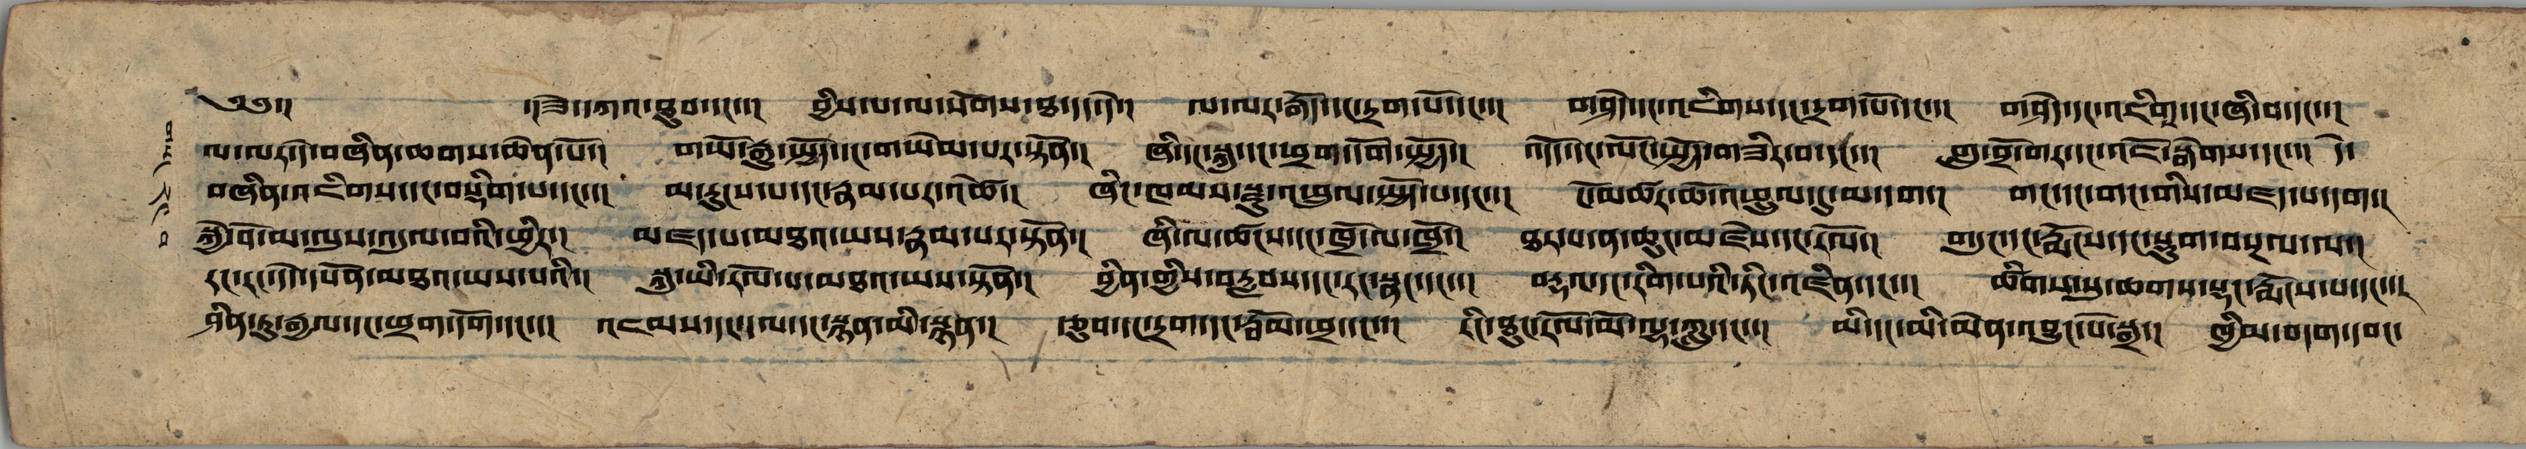༄༅་། ་།ཟེ་དཀའ་ཐུབ་དང་་། བྱིས་པ་ལ་སོགས་ཐ་དད་དེ་། ལ་ལར་རྒོད་དང་དྲག་པོ་དང་་། གཤེད་དང་འཇིགས་དང་དྲག་པོ་དང་་། གཤེད་དང་འཇིགས་དང་ཞི་བ་དང་་།
ལ་ལར་དེ་བཞིན་ཆགས་ཆེན་པོ་། གཡོ་རྒྱུ་སྤྱོད་དང་གཡེམ་པར་སྟོན་། ཞི་དང་སྐུ་དང་ཕྲག་དོག་སྤྱོད་། འདོད་དང་ལོང་སྤྱོད་གཟིར་བ་དང་་། གླུ་བྲོ་གར་དང་འཇོ་སྒེགས་དང་་། དེ་
བཞིན་འཇིགས་དང་བསྡིགས་པ་དང་་། མ་རུངས་པ་དང་རྣམ་པར་འཚེ་། ཞིང་ཁམས་སྫུ་འཕྲུལ་སྤྱོད་པ་དང་་། ངོ་མཚར་ཆོ་འཕྲུལ་དུ་མ་དག་། གང་དང་གང་གིས་མཛད་པ་དག་།
སྐྱེ་བོ་མ་ལུས་འདུལ་བའི་ཕྱིར་། མཛད་པ་མཐའ་ཡས་རྣམ་པར་སྟོན་། ཞི་ལ་ཚངས་དང་ཁྲོ་ལ་ཁྲོ་། ཐར་པ་ན་ཆུང་མཛེས་དང་རོལ་། གདུང་དང་རྨོངས་དང་སྡུག་བསྔལ་ལ་།
རང་རང་དེད་དཔོན་མཐའ་ཡས་པའི་། སྐུ་ཡི་རོལ་པ་མཐའ་ཡས་སྟོན་། བྱིན་གྱིས་བརླབས་དང་རང་སྣང་དང་་། བརྡའ་དང་རིག་པའི་ཏིང་འཛིན་དང་་། ཚིགས་སུ་ཆགས་སྡང་རྨོངས་པ་དང་་།
ཤིན་ཏུ་རྒྱལ་དང་ཕྲག་དོག་དང་་། འཇམས་དང་དལ་དང་སྙན་མི་སྙན་། རྩུབ་དང་དྲག་དང་རྦོམ་ཕྲ་དང་་། རིང་ཐུང་རོལ་མོ་ལྷ་ཀླུ་དང་་། མི་དང་མི་མེན་འབྱུང་པོ་སྒྲ་། ཁྱིམ་བདག་དབང་